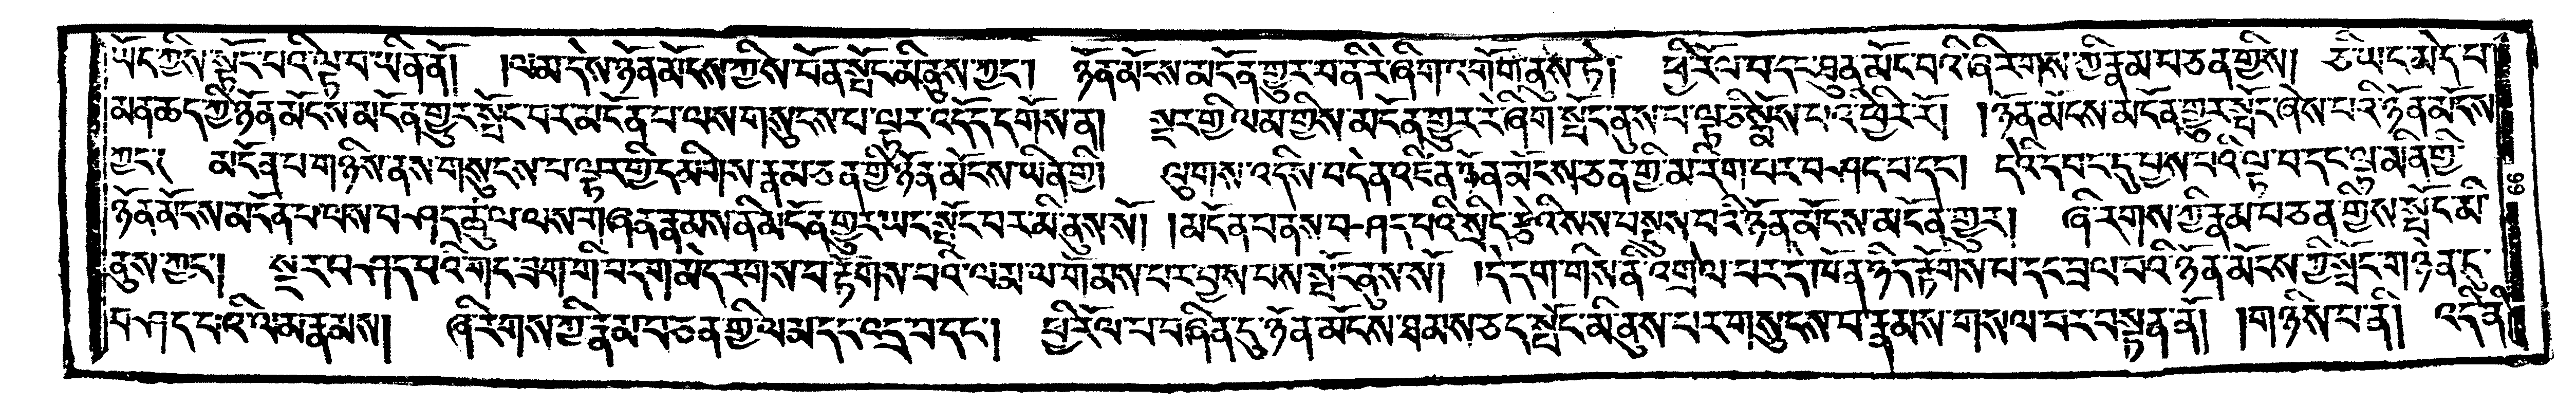ཡོད་ཀྱིས་སྟོང་པའི་ལྟ་བ་ཡིན་ནོ། །ལམ་དེས་ཉོན་མོངས་ཀྱི་ས་བོན་སྤོང་མི་ནུས་ཀྱང་། ཉོན་མོངས་མངོན་གྱུར་བ་ནི་རེ་ཞིག་འགོག་ནུས་ཏེ། ཕྱི་རོལ་པ་དང་ཐུན་མོང་བའི་ཞི་རགས་ཀྱི་རྣམ་པ་ཅན་གྱིས། ཅི་ཡང་མེད་པ་
མན་ཆད་ཀྱི་ཉོན་མོངས་མངོན་གྱུར་སྤོང་བར་མངོན་པ་ལས་གསུངས་པ་ལྟར་འདོད་དགོས་ན། སྔར་གྱི་ལམ་གྱིས་མངོན་གྱུར་རེ་ཞིག་སྤོང་ནུས་པ་ལྟ་ཅི་སྨོས་པའི་ཕྱིར་རོ། །ཉོན་མོངས་མངོན་གྱུར་སྤོང་ཞེས་པའི་ཉོན་མོངས་
ཀྱང་། མངོན་པ་གཉིས་ནས་གསུངས་པ་ལྟར་གྱི་དམིགས་རྣམ་ཅན་གྱི་ཉོན་མོངས་ཡིན་གྱི། ལུགས་འདིས་བདེན་འཛིན་ཉོན་མོངས་ཅན་གྱི་མ་རིག་པར་བཤད་པ་དང་། དེའི་དབང་དུ་བྱས་པའི་ལྟ་བ་དང་ལྟ་མིན་གྱི་
ཉོན་མོངས་མངོན་པ་ལས་བཤད་ཚུལ་ལས་གཞན་རྣམས་ནི་མངོན་གྱུར་ཡང་སྤོང་བར་མི་ནུས་སོ། །མངོན་པ་ནས་བཤད་པའི་སྲིད་རྩེའི་སས་བསྡུས་པའི་ཉོན་མོངས་མངོན་གྱུར། ཞི་རགས་ཀྱི་རྣམ་པ་ཅན་གྱིས་སྤོང་མི་
ནུས་ཀྱང་། སྔར་བཤད་པའི་གང་ཟག་གི་བདག་མེད་རགས་པ་རྟོགས་པའི་ལམ་ལ་གོམས་པར་བྱས་པས་སྤོང་ནུས་སོ། །དེ་དག་གིས་ནི་འགྲེལ་པར་དེ་ཁོ་ན་ཉིད་རྟོགས་པ་དང་བྲལ་བའི་ཉོན་མོངས་ཀྱི་སྤོང་གཉེན་དུ་
བཤད་པའི་ལམ་རྣམས། ཞི་རགས་ཀྱི་རྣམ་པ་ཅན་གྱི་ལམ་དང་འདྲ་བ་དང་། ཕྱི་རོལ་པ་བཞིན་དུ་ཉོན་མོངས་ཐམས་ཅད་སྤོང་མི་ནུས་པར་གསུངས་པ་རྣམས་གསལ་བར་བསྟན་ཏོ། །གཉིས་པ་ནི། འདི་ནི་